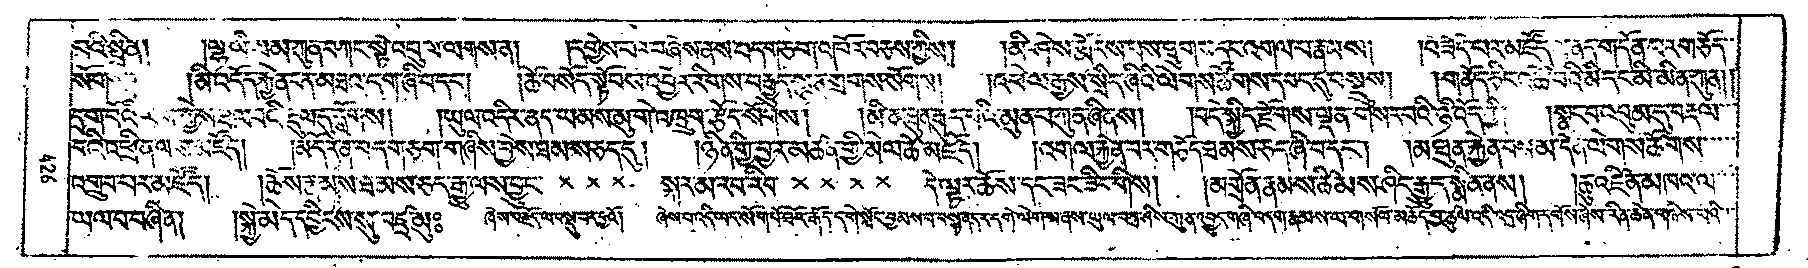པའི་སྤྲིན། །ལྷ་ཡི་ལམ་ཀུན་བཀང་སྟེ་འབུལ་ལགས་ན། །དགྱེས་པར་བཞེས་ནས་བདག་ཅག་འཁོར་བཅས་ཀྱིས། །མི་ཤེས་རྨོངས་པས་ཐུགས་དང་འགལ་བ་རྣམས། །བཟོད་པར་མཛོད་ལ་ནད་གདོན་པར་གཅོད་
སོགས། །མི་འདོད་རྐྱེན་ངན་མཐའ་དག་ཞི་བ་དང་། །ཚེ་བསོད་སྟོབས་འབྱོར་རིགས་བརྒྱུད་སྙན་གྲགས་སོགས། །འཕེལ་རྒྱས་སྲིད་ཞིའི་ལེགས་ཚོགས་དབང་དུ་བསྡུས། །གནོད་ཅིང་འཚེ་བའི་མི་དང་མི་མིན་ཀུན། །
དྲག་པོའི་ལས་ཀྱིས་ཐལ་བའི་རྡུལ་དུ་རློགས། །ཡུལ་འདིར་ནད་ཡམས་མུ་གེ་འཁྲུག་རྩོད་སོགས། །མི་མཐུན་རྒུད་པའི་མུན་པ་ཀུན་ཞི་ནས། །བདེ་སྐྱིད་རྫོགས་ལྡན་གསར་བའི་ཉི་འོད་ཀྱི། །སྣང་བ་འབུམ་དུ་བརྡལ་
བའི་འཕྲིན་ལས་མཛོད། །མདོར་ན་བདག་ཅག་གཞིས་བྱེས་ཐམས་ཅད་དུ། །ཉིན་གྱི་བྱ་ར་མཚན་གྱི་མེལ་ཚེ་མཛོད། །འགལ་རྐྱེན་བར་གཅོད་ཐམས་ཅད་ཞི་བ་དང་། །མཐུན་རྐྱེན་བསམ་དོན་ལེགས་ཚོགས་
འགྲུབ་པར་མཛོད། །ཆོས་རྣམས་ཐམས་ཅད་རྒྱུ་ལས་བྱུང་྾་྾་྾་སྐར་མ་རབ་རིབ་྾་྾་྾་྾་དེ་ལྟར་ཆོས་དང་ཟང་ཟིང་གིས། །མགྲོན་རྣམས་ཚིམས་ཤིང་རྒྱུད་སྨིན་ནས། །ཆུ་འཛིན་མཁའ་ལ་
ཡལ་བ་བཞིན། །སྐྱེ་མེད་དབྱིངས་སུ་བཛྲ་མུཿ ཞེས་བརྗོད་ལ་བསྡུ་བར་བྱའོ། ཞེས་པ་འདི་ཡང་སོག་པོ་ཐོད་རྒོད་དགེ་སློང་བྱམས་པ་བསྟན་དར་དགེ་ལེགས་ནས་ཡུལ་བཀྲ་ཤིས་ཀུན་འབྱུང་གཞི་བདག་རྣམས་ལ་གསོལ་མཆོད་བྱ་ཚུལ་འདི་འདྲ་ཞིག་དགོས་ཞེས་རིན་ཆེན་གཉིས་པའི་